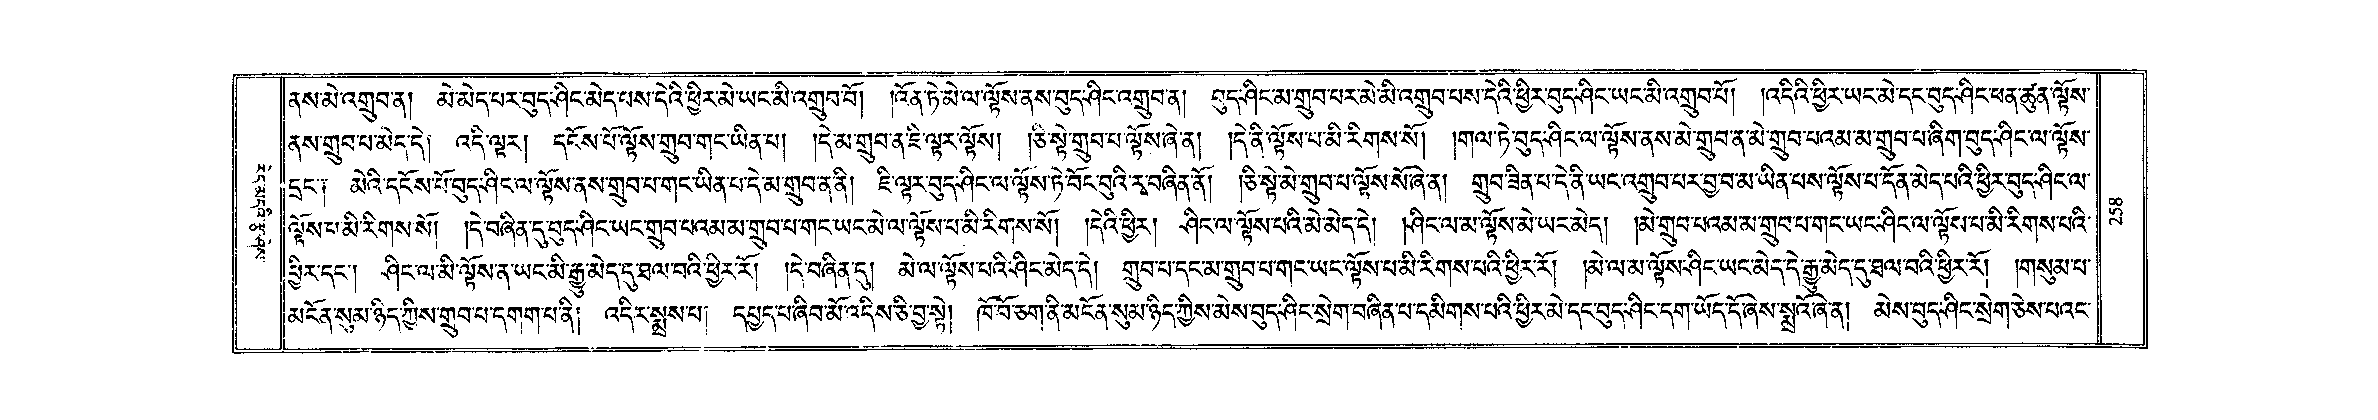ནས་མེ་འགྲུབ་ན། མེ་མེད་པར་བུད་ཤིང་མེད་པས་དེའི་ཕྱིར་མེ་ཡང་མི་འགྲུབ་བོ། །འོན་ཏེ་མེ་ལ་ལྟོས་ནས་བུད་ཤིང་འགྲུབ་ན། བུད་ཤིང་མ་གྲུབ་པར་མེ་མི་འགྲུབ་པས་དེའི་ཕྱིར་བུད་ཤིང་ཡང་མི་འགྲུབ་པོ། །འདིའི་ཕྱིར་ཡང་མེ་དང་བུད་ཤིང་ཕན་ཚུན་ལྟོས་
ནས་གྲུབ་པ་མེད་དེ། འདི་ལྟར། དངོས་པོ་ལྟོས་གྲུབ་གང་ཡིན་པ། །དེ་མ་གྲུབ་ན་ཇི་ལྟར་ལྟོས། །ཅི་སྟེ་གྲུབ་པ་ལྟོས་ཞེ་ན། །དེ་ནི་ལྟོས་པ་མི་རིགས་སོ། །གལ་ཏེ་བུད་ཤིང་ལ་ལྟོས་ནས་མེ་གྲུབ་ན་མེ་གྲུབ་པའམ་མ་གྲུབ་པ་ཞིག་བུད་ཤིང་ལ་ལྟོས་
དྲང༑ མེའི་དངོས་པོ་བུད་ཤིང་ལ་ལྟོས་ནས་གྲུབ་པ་གང་ཡིན་པ་དེ་མ་གྲུབ་ན་ནི། ཇི་ལྟར་བུད་ཤིང་ལ་ལྟོས་ཏེ་བོང་བུའི་རྭ་བཞིན་ནོ། །ཅི་སྟེ་མེ་གྲུབ་པ་ལྟོས་སོ་ཞེ་ན། གྲུབ་ཟིན་པ་དེ་ནི་ཡང་འགྲུབ་པར་བྱ་བ་མ་ཡིན་པས་ལྟོས་པ་དོན་མེད་པའི་ཕྱིར་བུད་ཤིང་ལ་
ལྟོས་པ་མི་རིགས་སོ། །དེ་བཞིན་དུ་བུད་ཤིང་ཡང་གྲུབ་པའམ་མ་གྲུབ་པ་གང་ཡང་མེ་ལ་ལྟོས་པ་མི་རིགས་སོ། །དེའི་ཕྱིར། ཤིང་ལ་ལྟོས་པའི་མེ་མེད་དེ། །ཤིང་ལ་མ་ལྟོས་མེ་ཡང་མེད། །མེ་གྲུབ་པའམ་མ་གྲུབ་པ་གང་ཡང་ཤིང་ལ་ལྟོས་པ་མི་རིགས་པའི་
ཕྱིར་དང་། ཤིང་ལ་མི་ལྟོས་ན་ཡང་མི་རྒྱུ་མེད་དུ་ཐལ་བའི་ཕྱིར་རོ། །དེ་བཞིན་དུ། མེ་ལ་ལྟོས་པའི་ཤིང་མེད་དེ། གྲུབ་པ་དང་མ་གྲུབ་པ་གང་ཡང་ལྟོས་པ་མི་རིགས་པའི་ཕྱིར་རོ། །མེ་ལ་མ་ལྟོས་ཤིང་ཡང་མེད་དེ་རྒྱུ་མེད་དུ་ཐལ་བའི་ཕྱིར་རོ། །གསུམ་པ་
མངོན་སུམ་ཉིད་ཀྱིས་གྲུབ་པ་དགག་པ་ནི། འདིར་སྨྲས་པ། དཔྱད་པ་ཞིབ་མོ་འདིས་ཅི་བྱ་སྟེ། ཁོ་བོ་ཅག་ནི་མངོན་སུམ་ཉིད་ཀྱིས་མེས་བུད་ཤིང་སྲེག་བཞིན་པ་དམིགས་པའི་ཕྱིར་མེ་དང་བུད་ཤིང་དག་ཡོད་དོ་ཞེས་སྨྲའོ་ཞེ་ན། མེས་བུད་ཤིང་སྲེག་ཅེས་པའང་